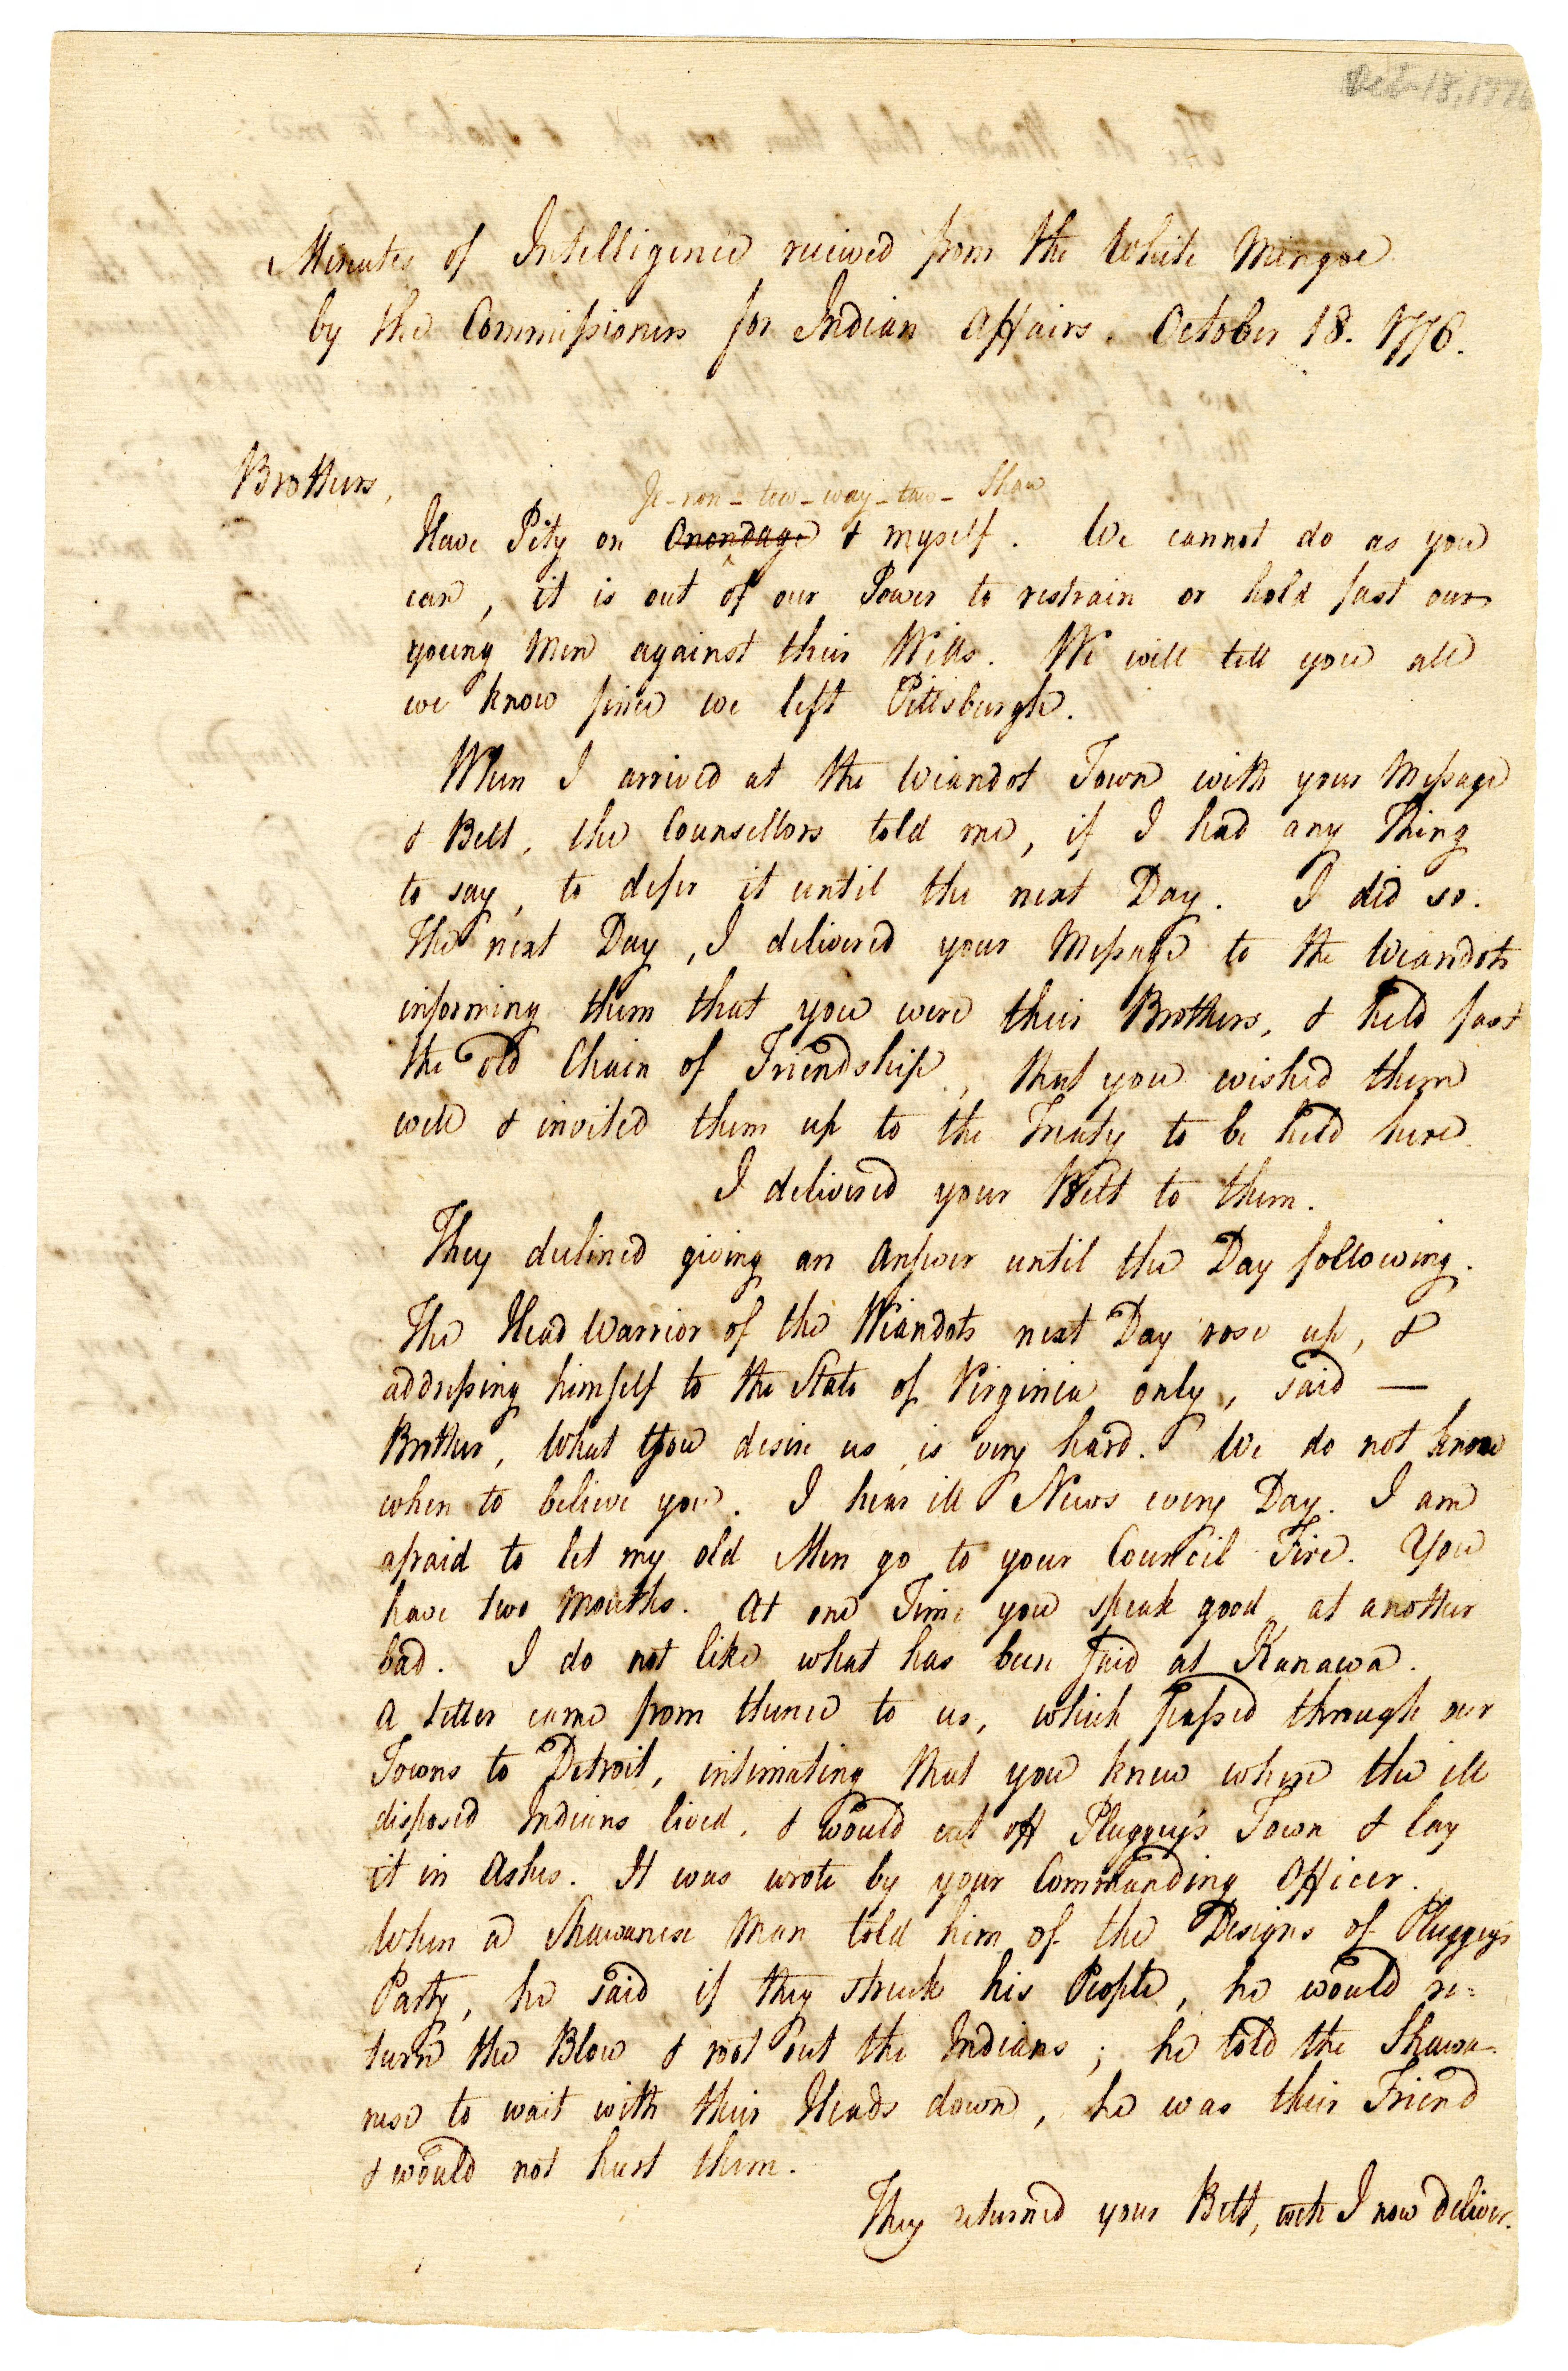Minutes of Intelligence received from the White Mingoe
by the Commissioners for Indian Affairs. October 18. 1776.
Brothers,
Have Pity on ^ [Onondage] & myself. We cannot do as you
Je-non-tow-way-taw-Shan
can, it is out of our Power to restrain or hold fast our
young Men against their Wills. We will tell you all
we know since we left Pittsburgh.
When I arrived at the Wiandot Town with your Message
& Belt, the Counsellors told me, if I had any Thing
to say, to defer it until the next Day. I did so.
The next Day, I delivered your Message to the Wiandots
informing them that you were their Brothers, & held fast
the old Chain of Friendship that you wished them
well & invited them up to the Treaty to be held here
I delivered your Belt to them.
They declined giving an Answer until the Day following.
The Head warrior of the Wiandots next Day rose up, &
addressing himself to the State of Virginia only, said-
Brother, what you desire us is very hard. We do not know
when to believe you. I hear ill News every Day. I am
afraid to let my old Men go to your Council Fire. You
have two mouths. At one Time you speak good, at another
bad. I do not like what has been said at Kanawa.
A Letter came from thence to us, which passed through our
Towns to Detroit, intimating that you knew where the ill
disposed Indians lived, & would cut off Pluggey's Town & lay
it in Ashes. It was wrote by your Commanding Officer.
When a Shawanese Man told him of the Designs of Pluggeys
Party, he said if they struck his People, he would re-
turn the Blow & root out the Indians; he told the Shawa-
nese to wait with their Heads down, he was their Friend
& would not hurt them.
They returned your Belt, wch I now deliver.